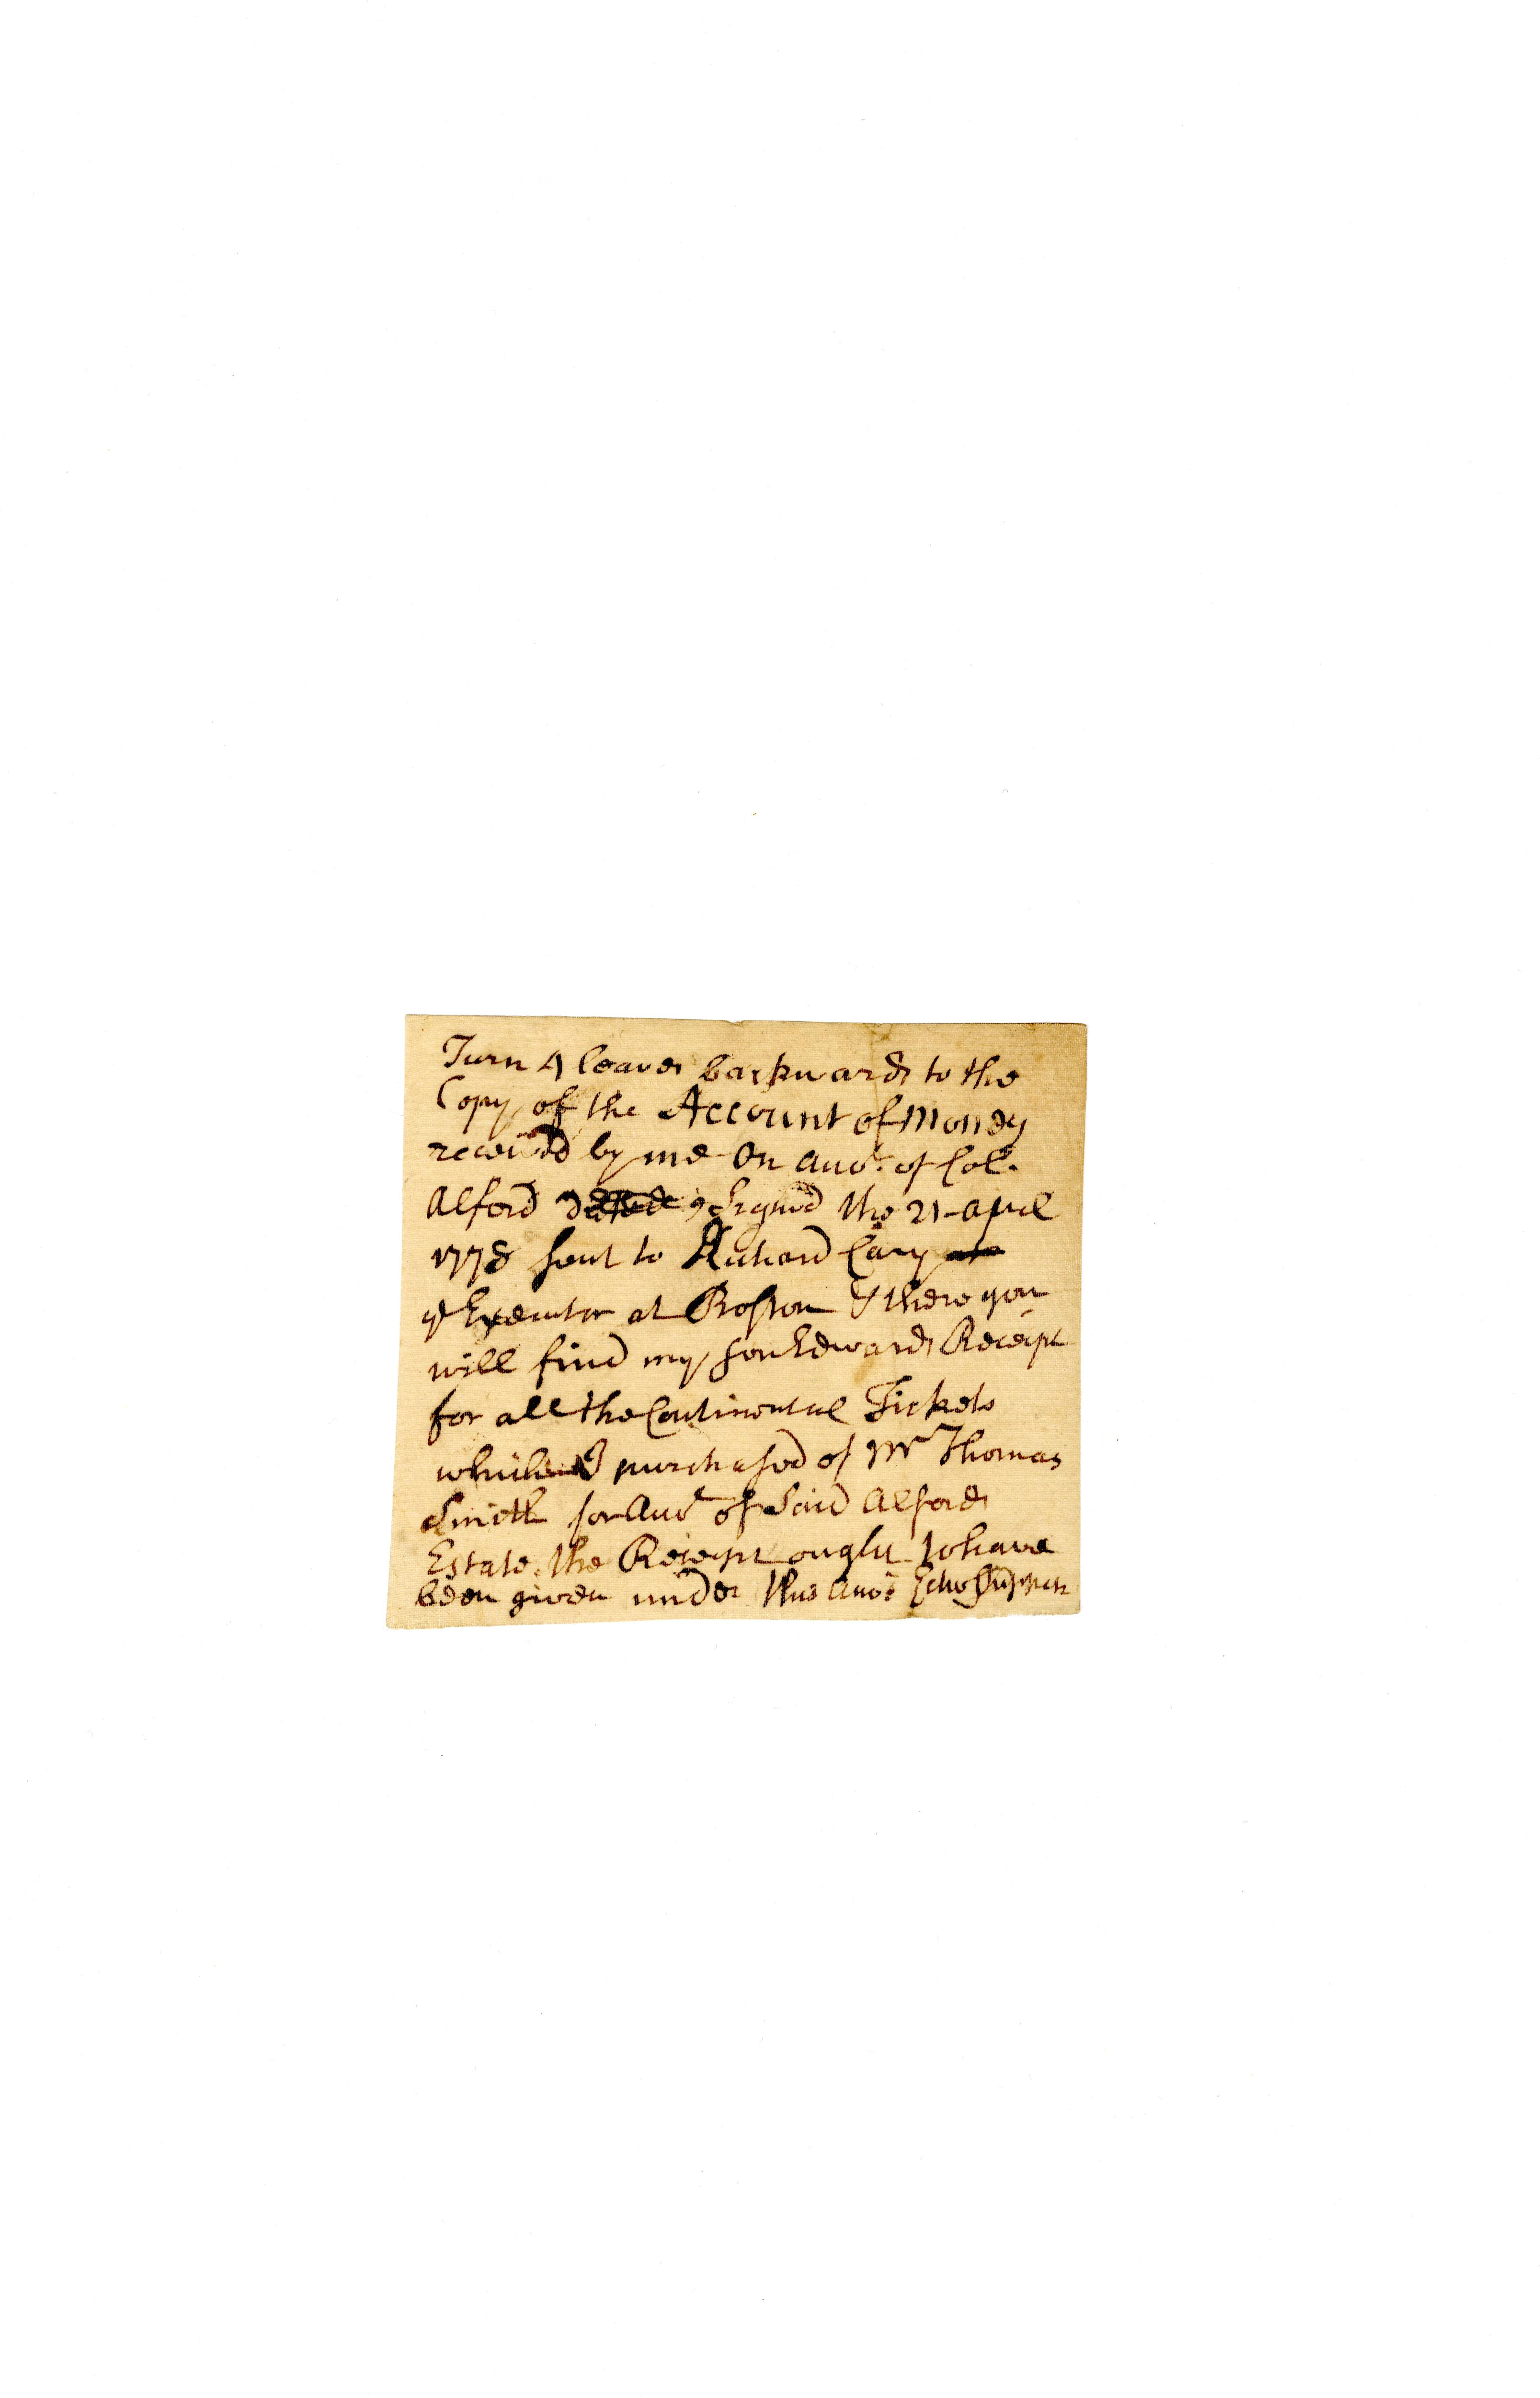Turn 4 leaves backward to the
Copy of the Account of Money
recorded by me on acc^t. of Col.
Alford [_____] Signed the 21- April
1778 Sent to Richard Cary
y^e Executor at Roston & there you
will find my son Edwards Receipt
for all the Continental Tickets
which I purchased of M^r thomas
Smith for Acco^t of Said Alford
Estate the Reciept ought to have
been given under this Acco: Edw Shippen